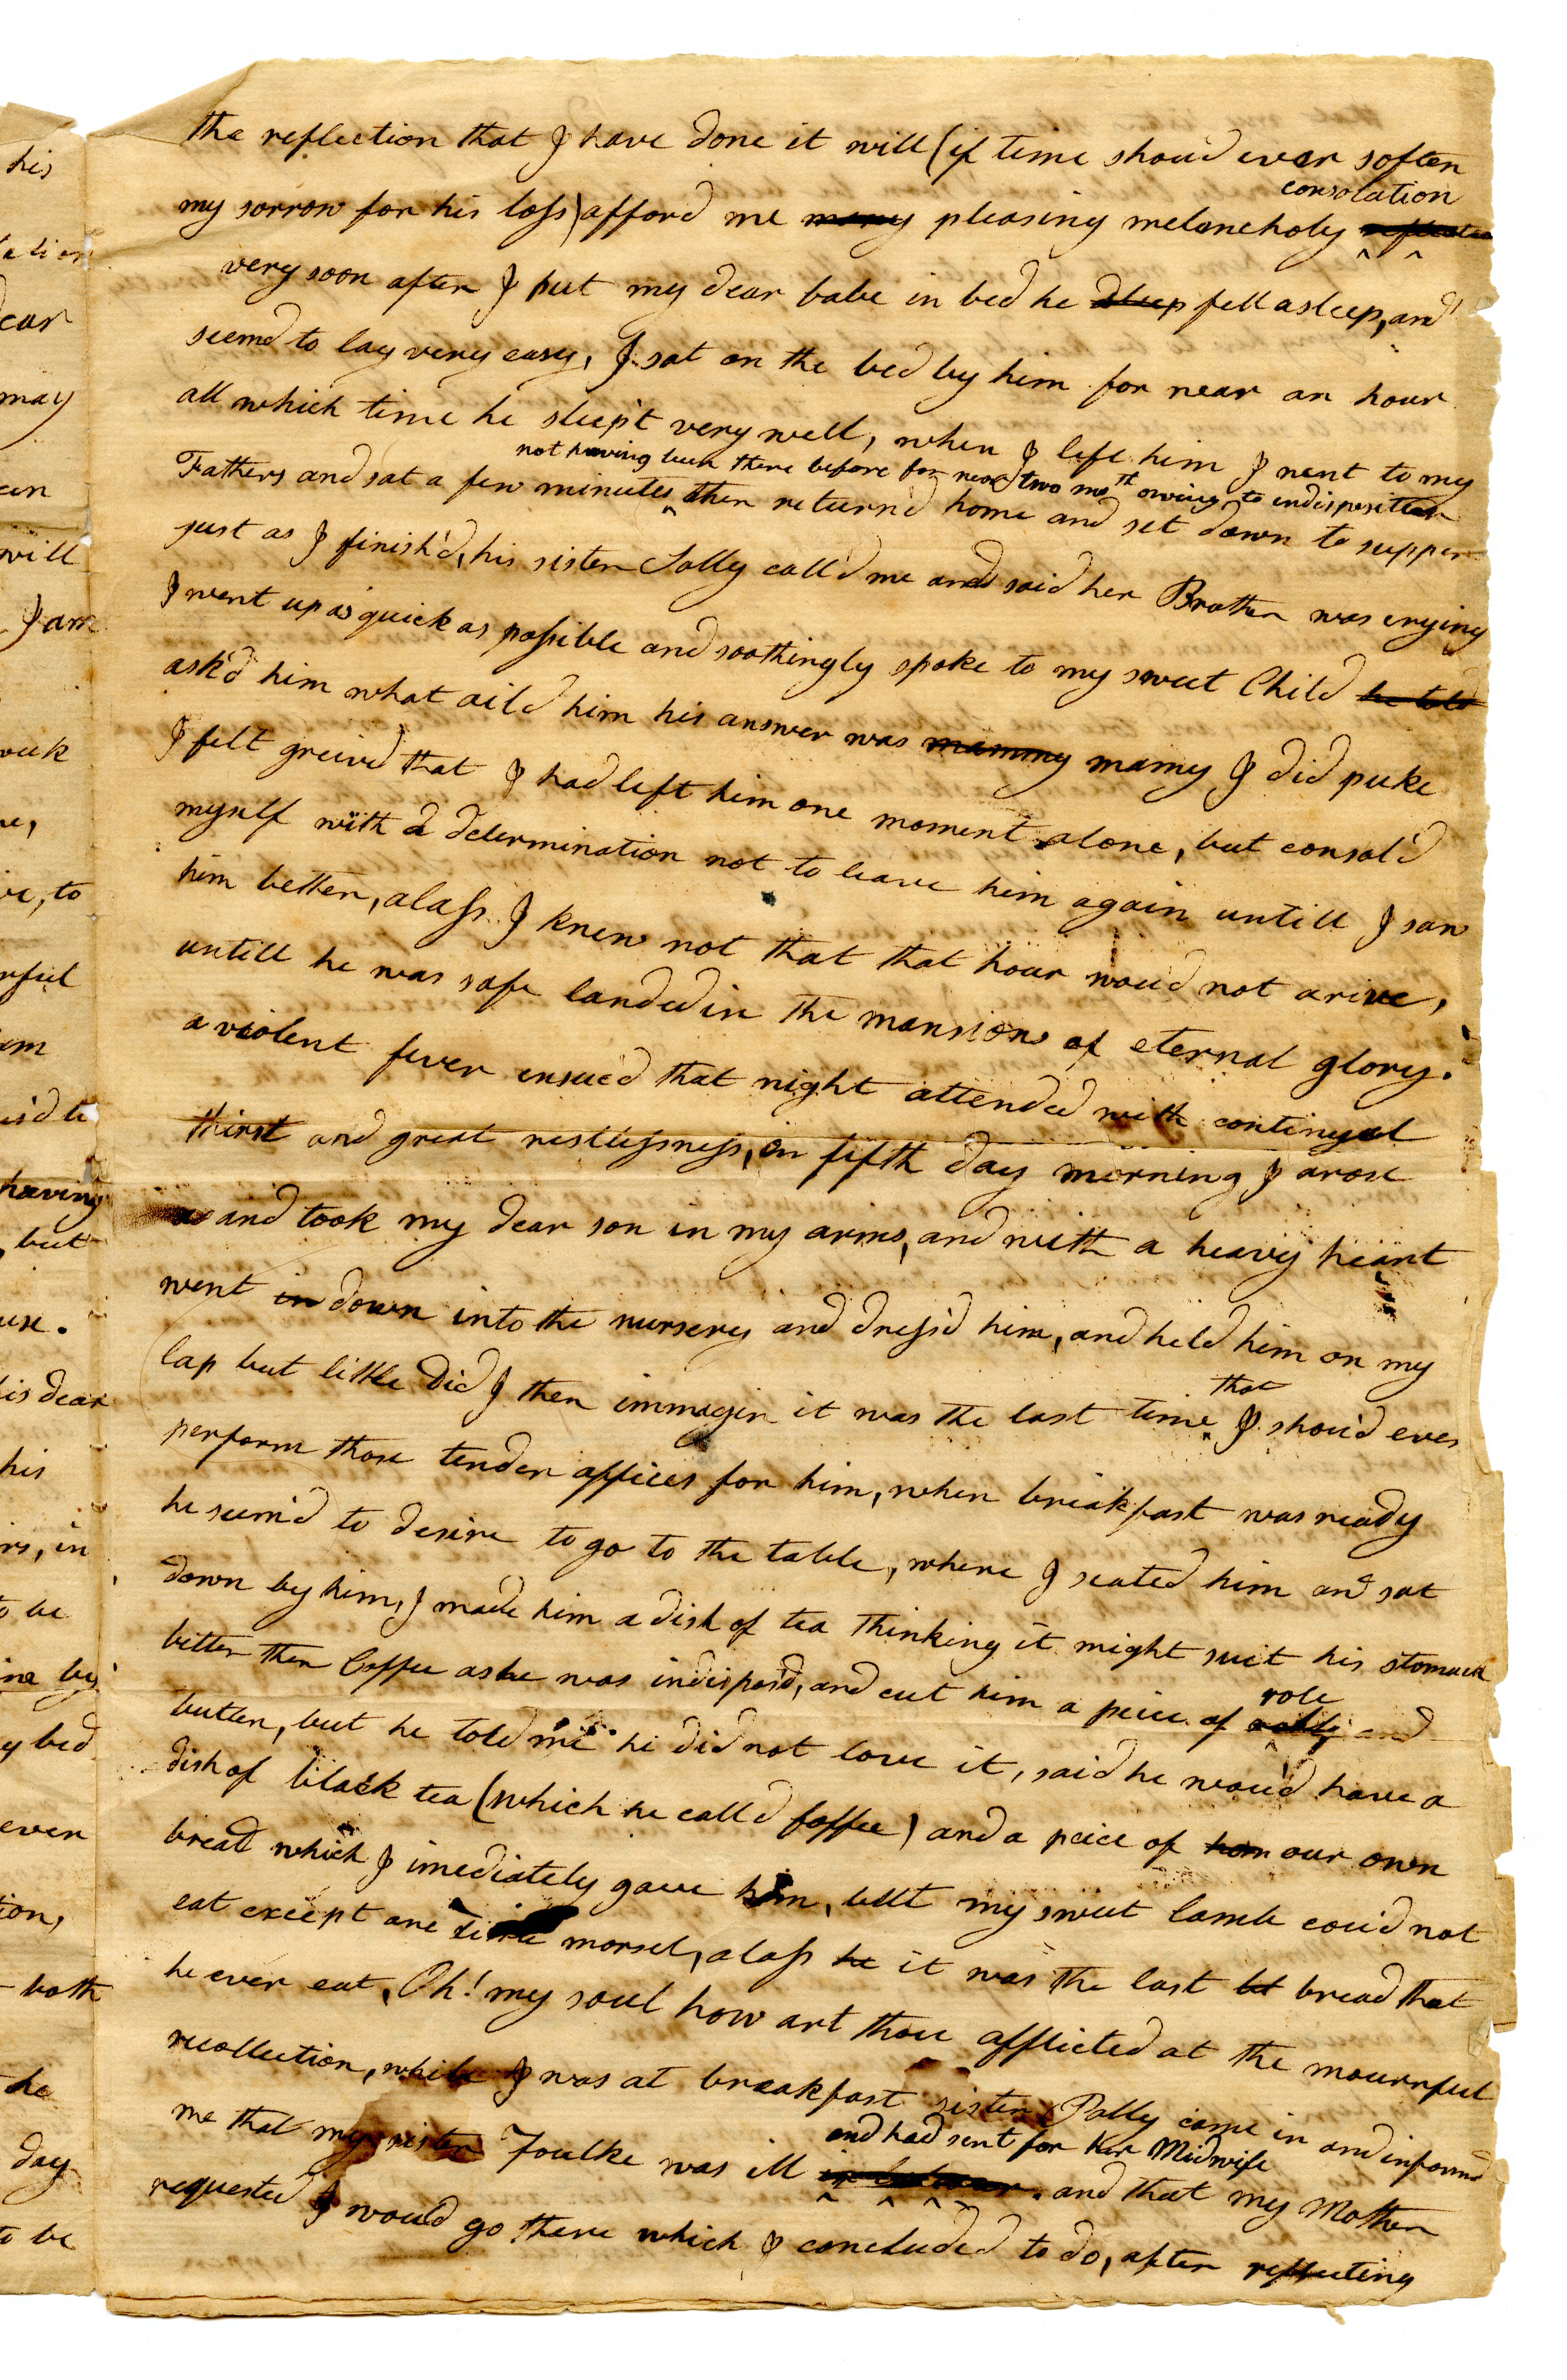the reflection that I have done it will (if time shoud ever soften
consolation
my sorrow for his loss) afford me [many] pleasing melancholy ^ ^ [________]
very soon after I put my dear babe in bed he [sleep] fell asleep, and
seemd to lay very easy, I sat on the bed by him for near an hour
all which time he slept very well, when I left him I went to my
not having been there before for near two mo^th owing to indisposition
Fathers and sat a few minutes ^ then return'd home and set down to supper
just as I finish'd, his sister Sally calld me and said her Brother was crying
I went up as quick as possible and soothingly spoke to my sweet Child [he told]
ask'd him what aild him his answer was [mammy] mamy I did puke
I felt greivd that I had left him one moment alone, but consold
myself with a determination not to leave him again untill I saw
him better, alas I knew not that that hour woud not arive,
untill he was safe landed in the mansions of eternal glory.
a violent fever ensued that night attended with continyal
thirst and great restlessness, on fifth day morning I arose
and took my dear son in my arms, and with a heavy heart
went down into the nursery and dress'd him, and held him on my
that
lap but little did I then immagin it was the last time ^ I shou'd ever
perform those tender offices for him, when breakfast was ready
he seem'd to desire to go to the table, where I seated him and sat
down by him, I made him a dish of tea thinking it might suit his stomach
roll
better than Coffee as he was indispos'd, and cut him a peice of [roll] ^ and
butter, but he told me he did not love it, said he woud have a
dish of black tea (which he calld Coffee) and a peice of [torn] our own
bread which I imediately gave him, but my sweet lamb cou'd not
eat except one little morsel, alas it was the last bread that
he ever eat, Oh! my soul how art thou afflicted at the mournful
recollection, while I was at breakfast sister Polly came in and informd
and had sent for her Midwife
me that my sister Foulke was ill ^ ^ ^ [________] and that my Mother
requested I would go there which I concluded to do, after reflecting